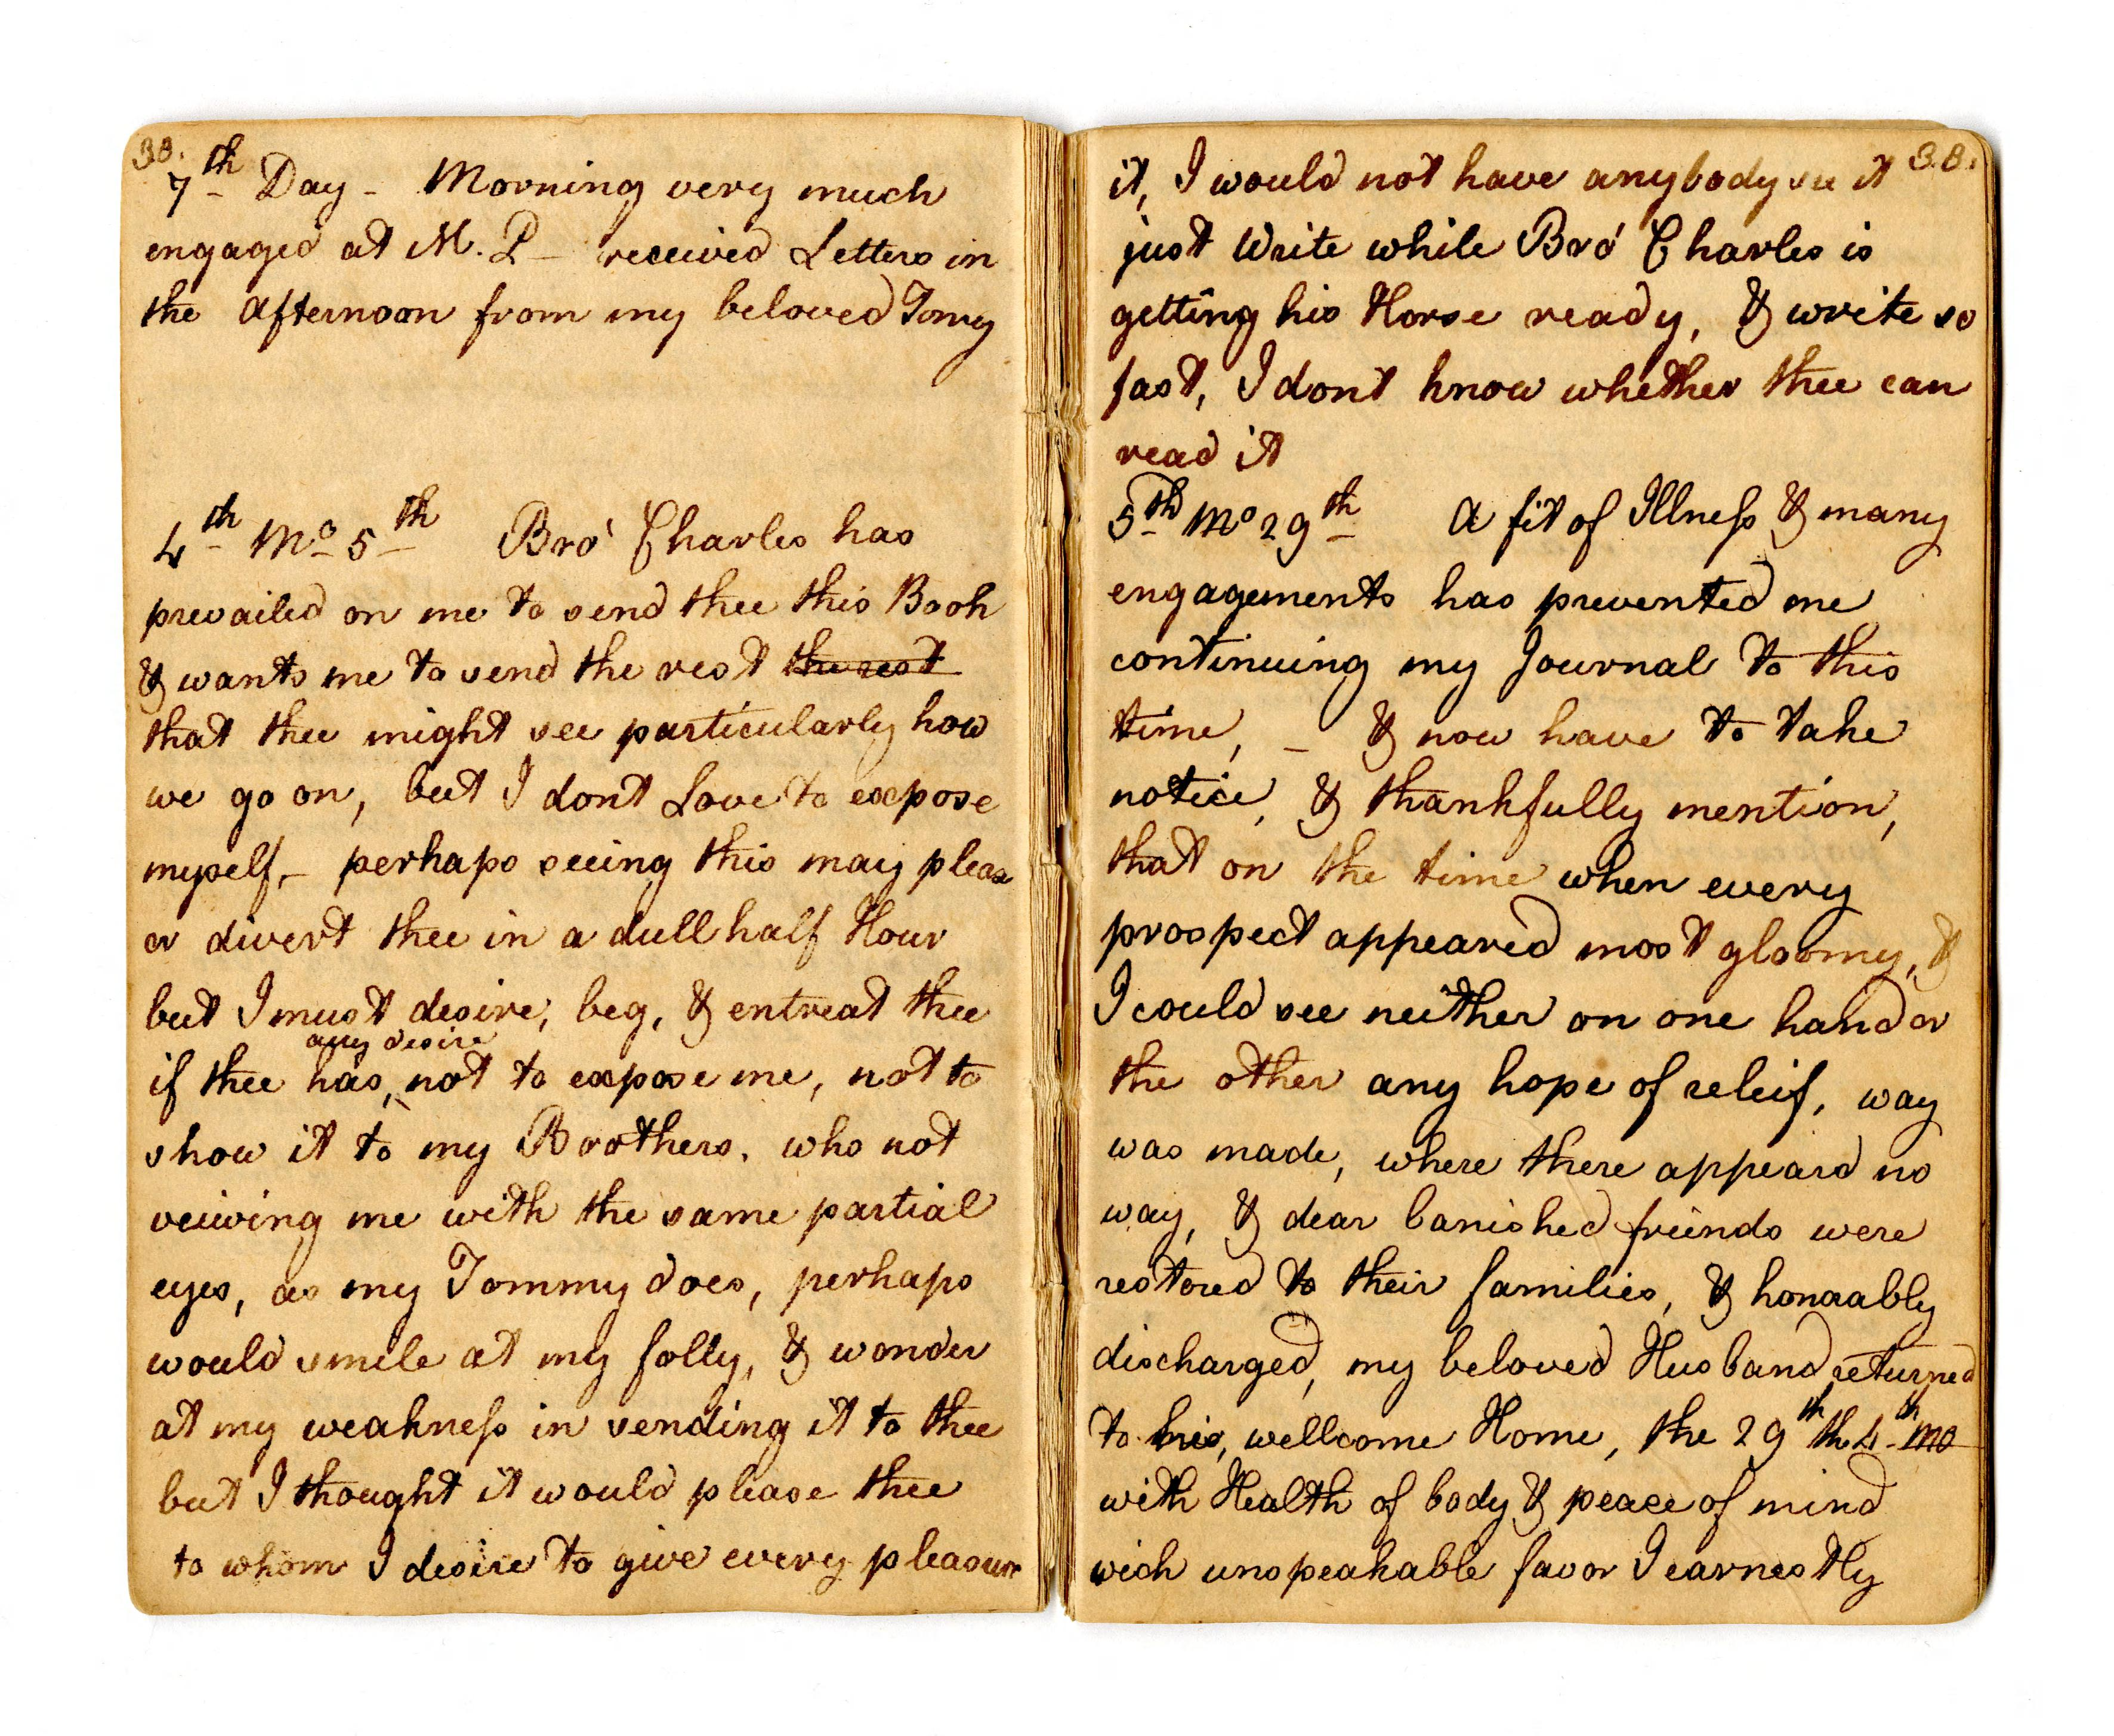38
7^th Day- Morning very much
engaged at M.P- received Letters in
the Afternoon from my beloved Tomy
4^th M^o 5^th Bro' Charles has
prevailed on me to send thee this Book
& wants me to send the rest the rest
that thee might see particularly how
we go on, but I dont Love to expose
myself- perhaps seeing this may pleas
or divert thee in a dull half Hour
but I must desire, beg, & entreat thee
any desire
if thee has ^ not to expose me, not to
show it to my Brothers, who not
veiwing me with the same partial
eyes, as my Tommy does, perhaps
would smile at my folly, & wonder
at my weakness in sending it to thee
but I thought it would please thee
to whom I desire to give every pleasure
38
it, I would not have anybody see it
just Write while Bro' Charles is
getting his Horse ready, & write so
fast, I dont know whether thee can
read it
5^th M^o 29^th- A fit of Illness & many
engagements has prevented me
continuing my Journal to this
time, - & now have to take
notice, & thankfully mention,
that on the time when every
prospect appeared most gloomy, &
I could see neither on one hand or
the other any hope of releif, way
was made, where there appeard no
way, & dear banished friends were
restored to their families, & honorably
discharged, my beloved Husband returned
to his wellcome Home, the 29^th the 4^th MO
with Health of body & peace of mind
wich unspeakable favor I earnestly